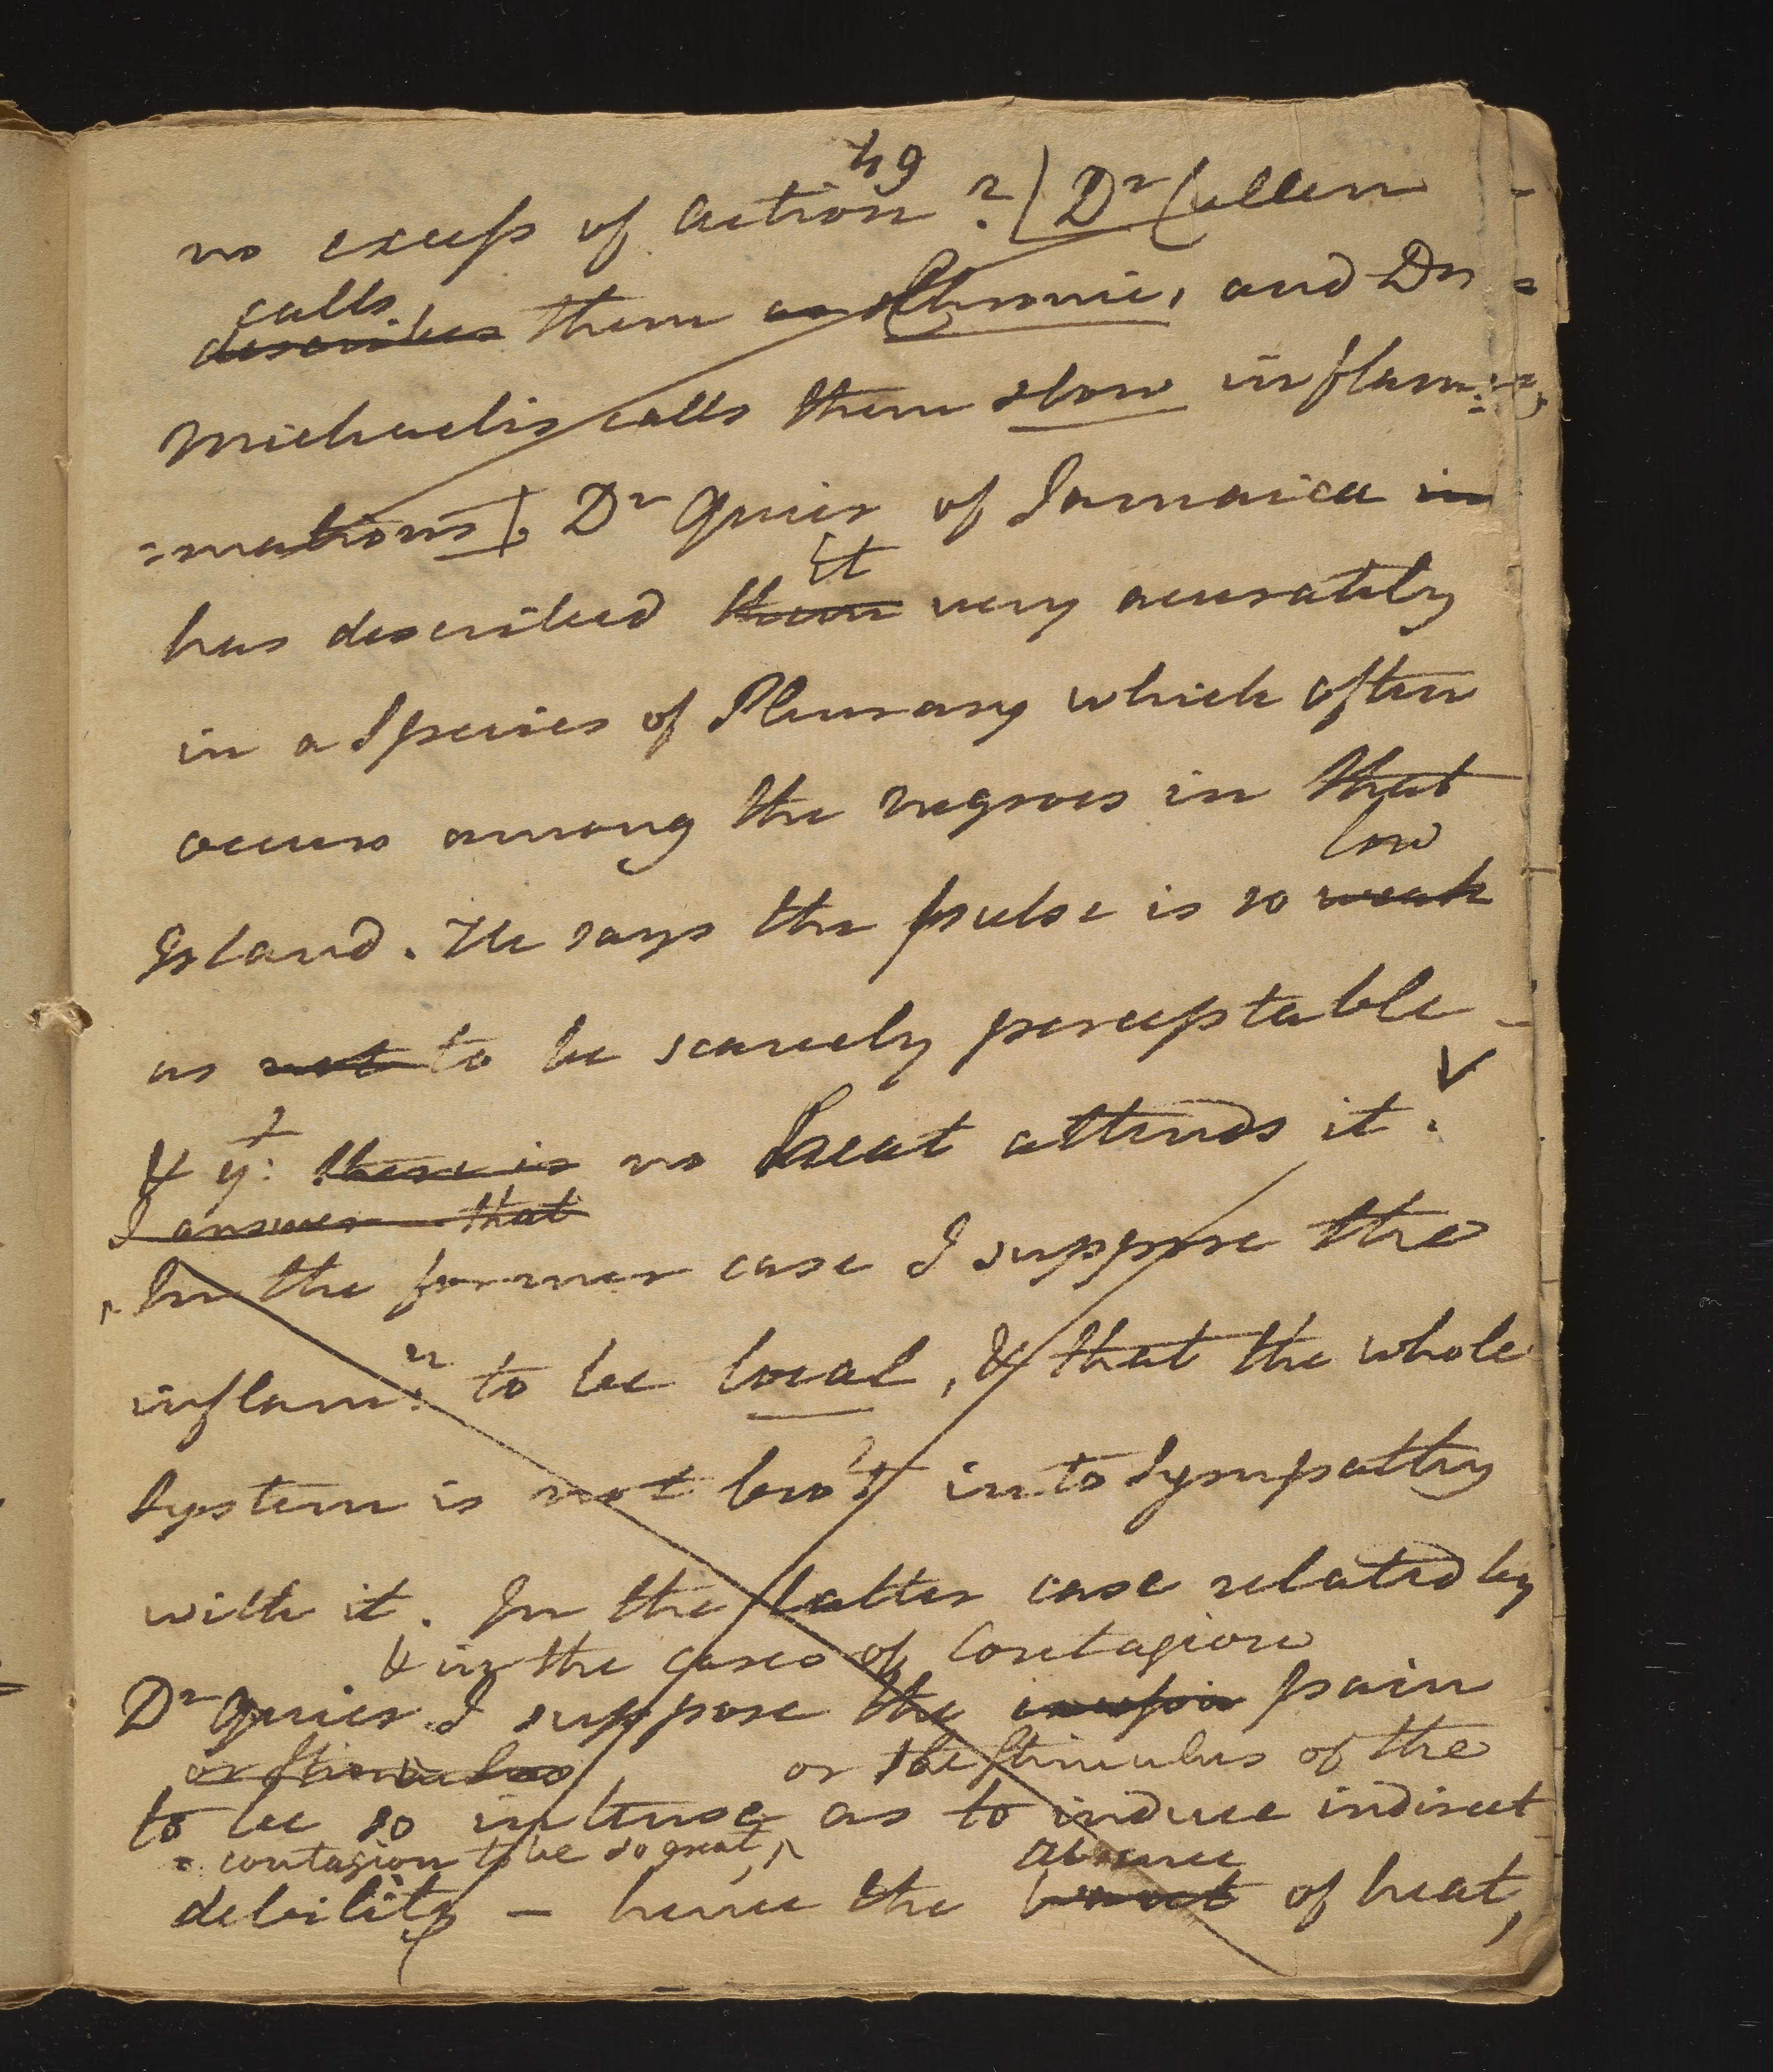49
no excess of action? (D^r Cullen
calls
[describes] them an Chromi, and D^r
Michaelis calls them slow inflam-
-mations.) D^r Grier of Jamaica [in]
it
has described [them] very accurately
in a Species of Pleurasy which often
occurs among the Negroes in that
low
Island. He says the pulse is so [weak]
as [not] to be scarcely perceptable
& y^t [there is] no heat attends it. V
[I answer that]
In the former case I suppose the
inflam^n to be local, & that the whole
System is not bro't into Sympathy
with it. In the latter case related by
& in the cases of Contagion
D^r Grier I suppose the [infirm-] pain
[or of particulars]
or the Stimulus of the
to be so intense ^ as to induce indirect
contagion to be so great
absence
debility - hence the [want] of heat,